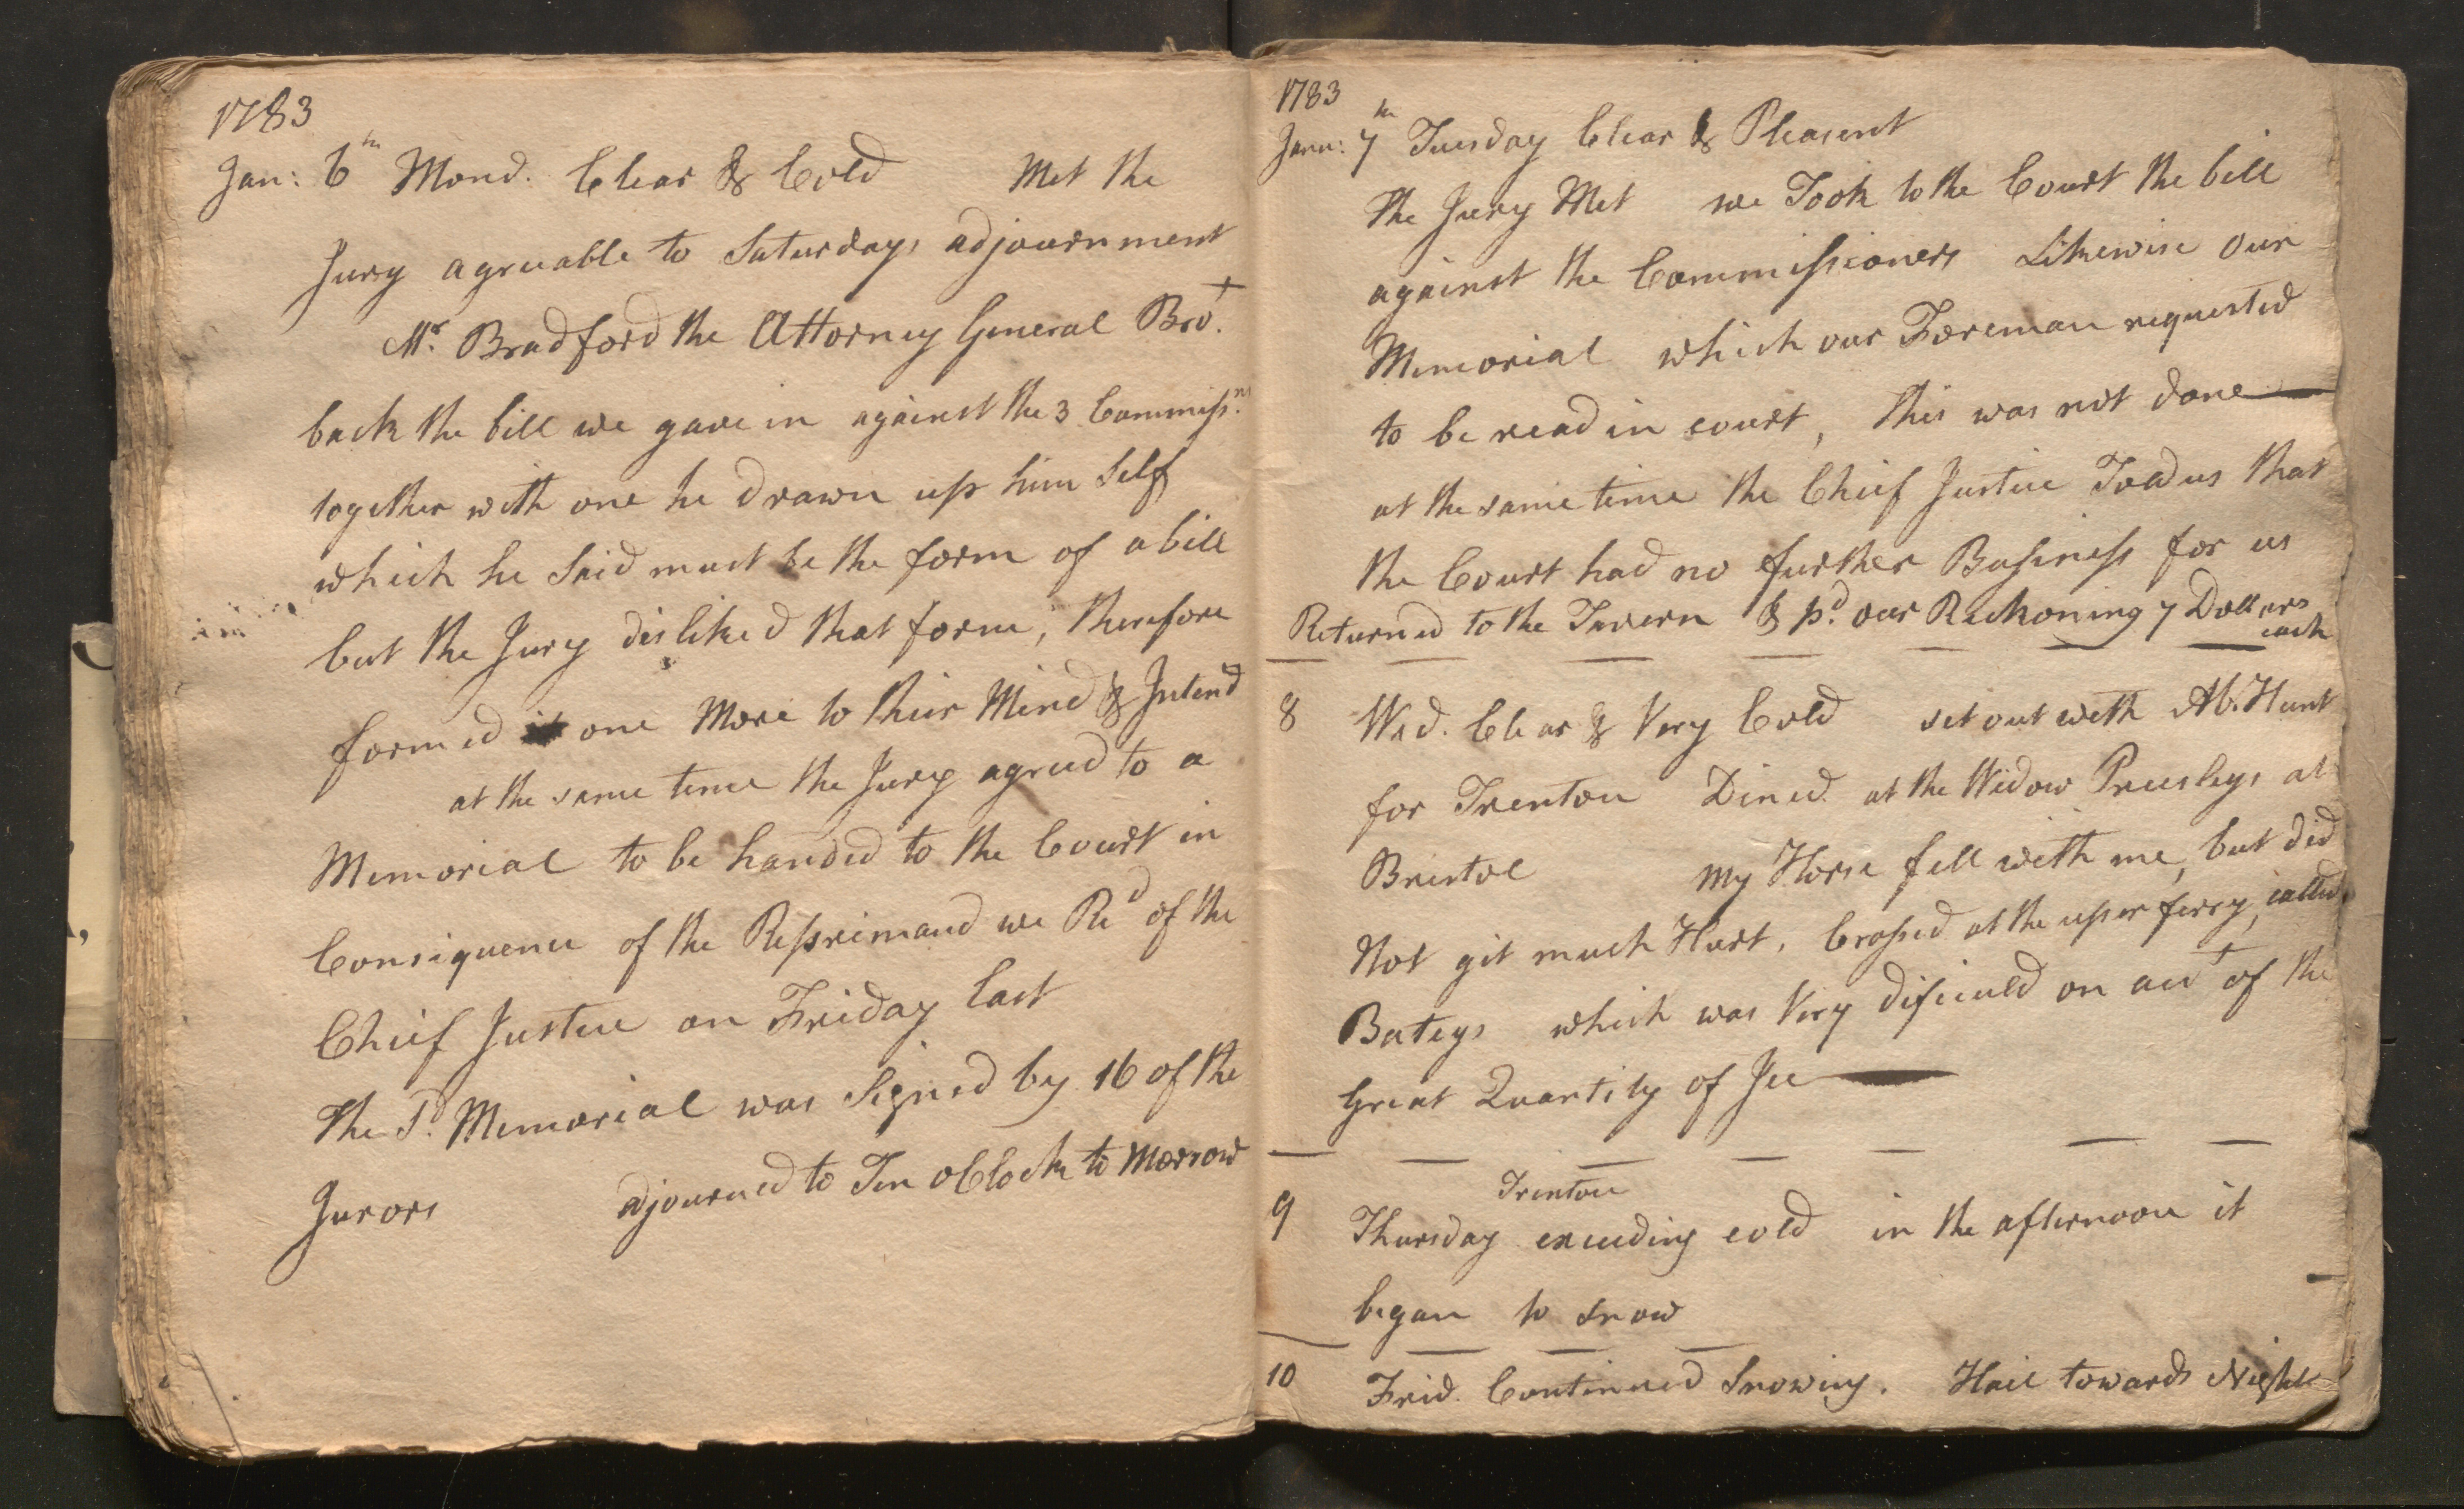1783
Jan: 6^th Mond. Clear & Cold Met the
Jury agreeable to Saturday, adjournment
M^r. Bradford the Attorney General Bro^t.
back the bill we gave in against the 3 Commiss^rs.
together with one he drawn up him self
which he said must be the form of a bill
but the Jury disliked that form, therefore
formed [it] one More to their Mind & Intend
at the same time the Jury agreed to a
Memorial to be handed to the Court in
Consiquence of the Reprimand we Re^d. of the
Chief Justire on Friday last
The s^d. Memorial was signed by 16 of the
Jurors
ajournned to Ten oClock to Morrow
1783
Janu: 7^th Tuesday Clear & Pleasent
The Jury Met we Took to the Court the bill
against the Commissioners Likewise our
Memorial which our Foreman requested
to be read in court, this was not done
at the same time the Chief Justice Tod us that
the Court had no further Business for us
Returned to the Tavern & p^d. our Rickoning 7 Dollars
each
8 Wed. Clear & Very Cold set out with Ab. Hunt
for Trenton Dined at the Widow Preesleys at
Bristol my Horse fell with me but did
Not git much Hurt, Crossed at the uper ferry called
Bateys which was Very dificuld on acc^t of the
Great Quantity of Ice
Trenton
9 Thursday exceeding cold in the afternoon it
began to snow
10 Frid. Continued Snowing. Hail towards Night